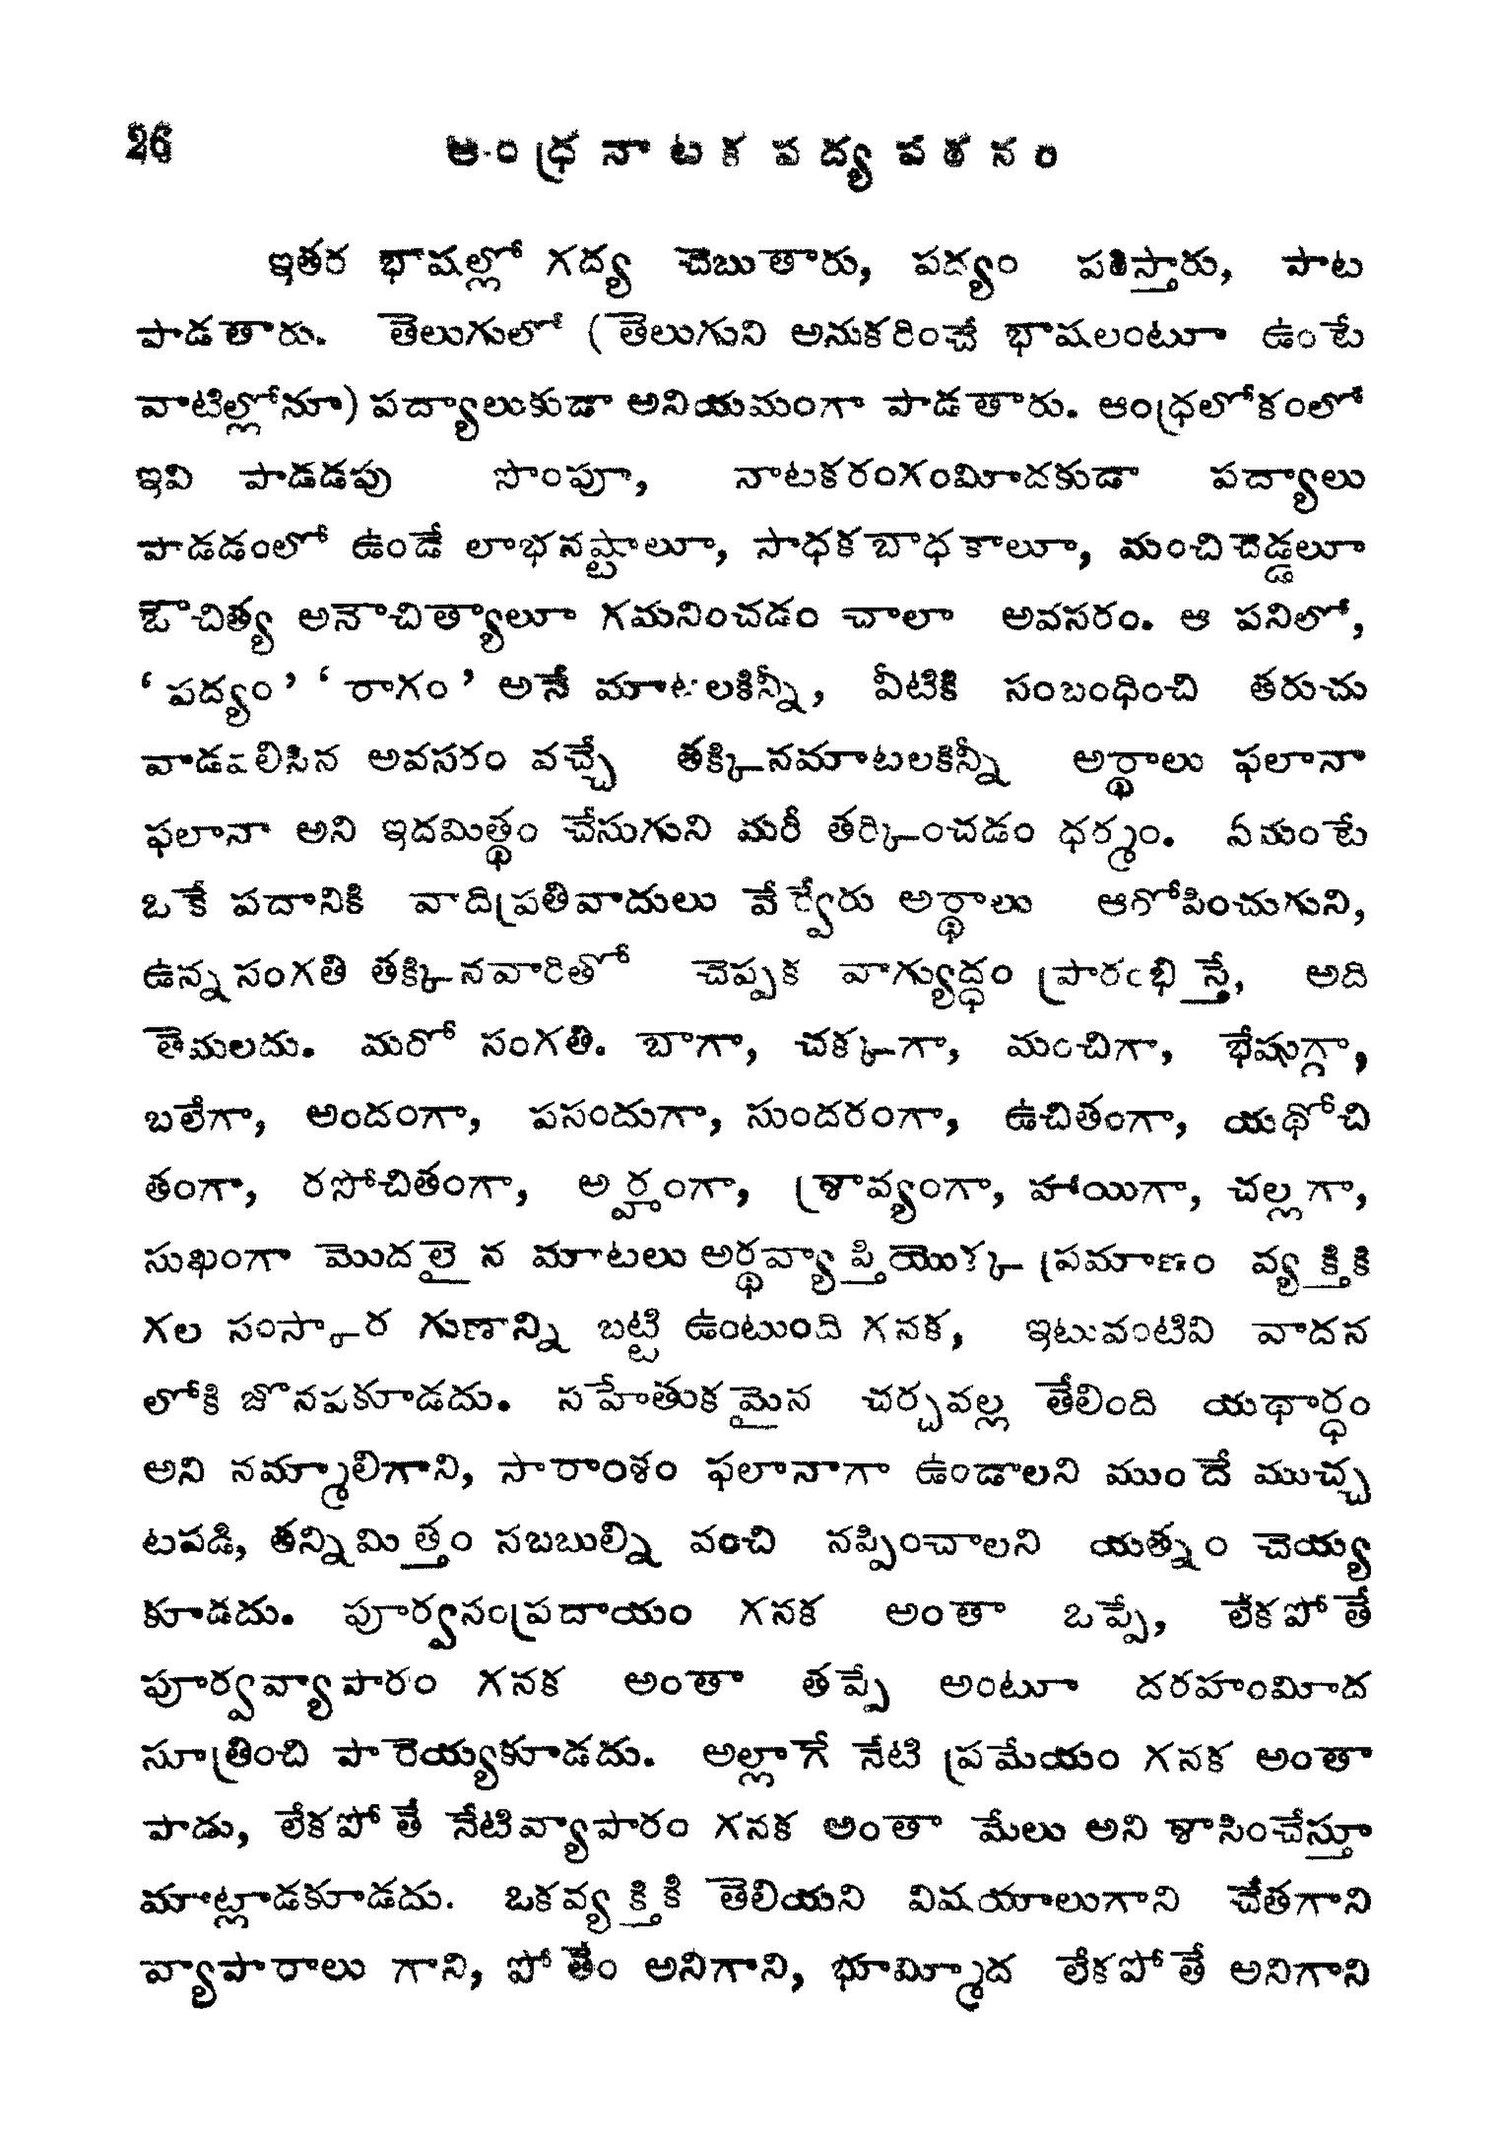ఇతర భాషల్లో గద్య చెబుతారు, పద్యం పఠిస్తారు, పాట
పాడతారు. తెలుగులో ( తెలుగుని అనుకరించే భాషలంటూ ఉంటే
వాటిల్లోనూ) పద్యాలుకుడా అనియమంగా పాడతారు. ఆంధ్రలోకంలో
ఇవి పాడడపు సొంపూ, నాటకరంగంమీదకుడా పద్యాలు
పాడడంలో ఉండే లాభనష్టాలూ, సాధకబాధకాలూ, మంచిచెడ్డలూ
ఔచిత్య అనౌచిత్యాలూ గమనించడం చాలా అవసరం. ఆ పనిలో,
'పద్యం' 'రాగం' అనే మాటలకిన్నీ, వీటికి సంబంధించి తరుచు
వాడవలిసిన అవసరం వచ్చే తక్కినమాటలకిన్నీ అర్థాలు ఫలానా
ఫలానా అని ఇదమిత్థం చేసుగుని మరీ తర్కించడం ధర్మం. ఏమంటే
ఒకే పదానికి వాదిప్రతివాదులు వేర్వేరు అర్థాలు ఆరోపించుగుని,
ఉన్నసంగతి తక్కినవారితో చెప్పక వాగ్యుద్ధం ప్రారంభిస్తే, అది
తెమలదు. మరో సంగతి. బాగా, చక్కగా, మంచిగా, భేషుగ్గా,
బలేగా, అందంగా, పసందుగా, సుందరంగా, ఉచితంగా, యథోచి
తంగా, రసోచితంగా, అర్హంగా, శ్రావ్యంగా, హాయిగా, చల్లగా,
సుఖంగా మొదలైన మాటలు అర్థవ్యాప్తియొక్క ప్రమాణం వ్యక్తికి
గల సంస్కార గుణాన్ని బట్టి ఉంటుంది గనక, ఇటువంటివి వాదన
లోకి జొనపకూడదు. సహేతుకమైన చర్చవల్ల తేలింది యథార్ధం
అని నమ్మాలిగాని, సారాంశం ఫలానాగా ఉండాలని ముందే ముచ్చ
టపడి, తన్నిమిత్తం సబబుల్ని వంచి నప్పించాలని యత్నం చెయ్య
కూడదు. పూర్వసంప్రదాయం గనక అంతా ఒప్పే, లేకపోతే
పూర్వవ్యాపారం గనక అంతా తప్పే అంటూ దరహంమీద
సూత్రించి పారెయ్యకూడదు. అల్లాగే నేటి ప్రమేయం గనక అంతా
పాడు, లేకపోతే నేటివ్యాపారం గనక అంతా మేలు అని శాసించేస్తూ
మాట్లాడకూడదు. ఒకవ్యక్తికి తెలియని విషయాలుగాని చేతగాని
వ్యాపారాలు గాని, పోతేం అనిగాని, భూమ్మిద లేకపోతే అనిగాని